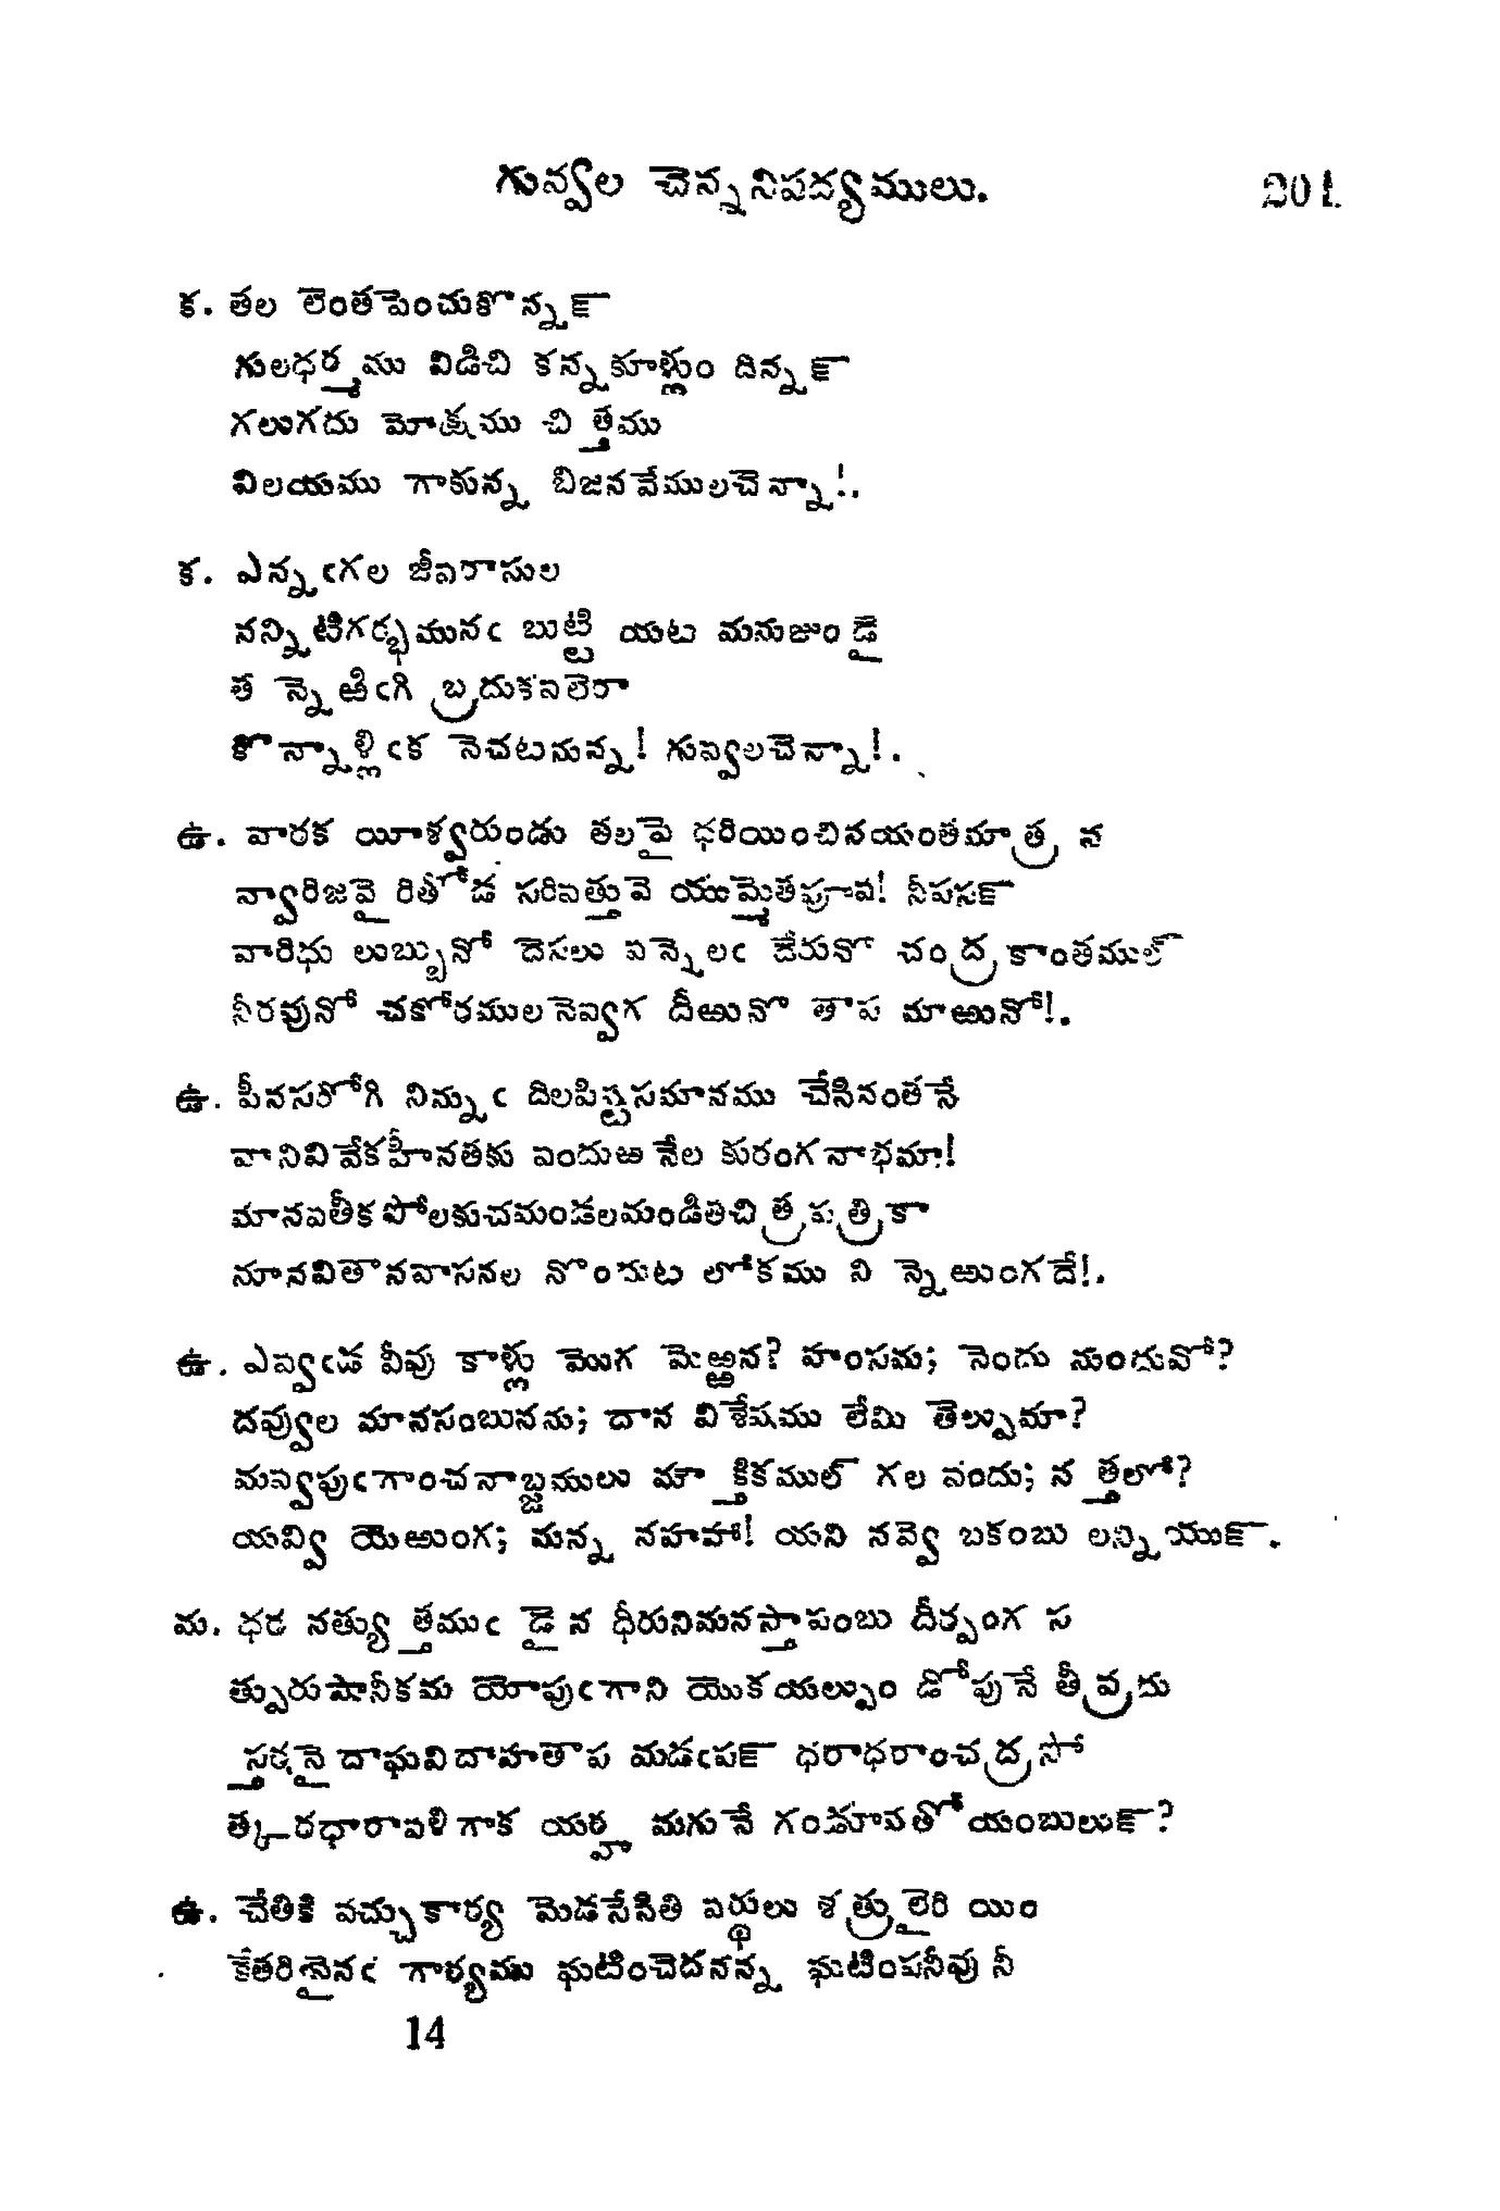క. తల లెంత పెంచుకున్నన్
 గులధర్మము విడిచి కన్నకూళ్ళుం దిన్నన్
 గలుగదు మోక్షము చిత్తము
 విలయము గాకున్న బిజనవేములచెన్నా!
క. ఎన్నఁగల జీవరాసుల
 యన్నిఁటిగర్భమునఁ బుట్టి యట మనుజుండై
 తన్నెఱిఁగి బ్రదుకవలెరా
 కొన్నాళ్ళిఁక నెచటనున్న గువ్వలచెన్నా!
ఉ. వారక యీశ్వరుండు తలపై ధరియించినయంతమాత్ర న
 వ్వారిజవైరితోడ సరివత్తువె యుమ్మెతపూవ! నీపసన్
 వారిధు లుబ్బునో దెసలు వన్నెలఁ దేరునొ చంద్రకాంతముల్
 నీరవునో చకోరముల నెవ్వగ దీఱునొ తాప మాఱునో!
ఉ. పీనసరోగి నిన్నుఁ దిలపిష్టసమానము చేసినంతనే
 వానివివేకహీనతకు వందుఱనేల కురంగనాభమా!
 మానవతీకపోలకుచమండలమండితచిత్రపత్రికా
 నూనవితానవాసనల నొందుట లోకము ని న్నెఱుంగదే!
ఉ. ఎవ్వఁడ వీవు కాళ్ళు మొగ మెఱ్ఱన? హంసమ; నెందు నుందువో?
 దవ్వుల మానసంబునను; దానవిశేషము లేమి తెల్పుమా?
 మవ్వపుఁ గాంచనాబ్జములు మౌక్తికముల్ గల వందు; నత్తలో?
 యవ్వి యెఱుంగ; మన్న నహహా! యని నవ్వె బకంబు లన్నియున్.
ఉ. ధర నత్యుత్తముఁడైన ధీరుని మనస్తాపంబు దీర్పంగ స
 త్పురుషానీకమ యోపుఁగాని యొకయల్పుం డోపునే తీవ్రదు
 స్తరనైదాఘవిదాహతాప మడఁపన్ ధారాధరాంచద్రసో
 త్కరధారావళిగాక యర్హ మగునే గండూషతోయంబులన్?
ఉ. చేతికి వచ్చుకార్య మెడసేసితి వర్థులు శత్రులైరి యిం
 కేతరినైనఁ గార్యము ఘటించెదనన్న ఘటింపనీవు నీ